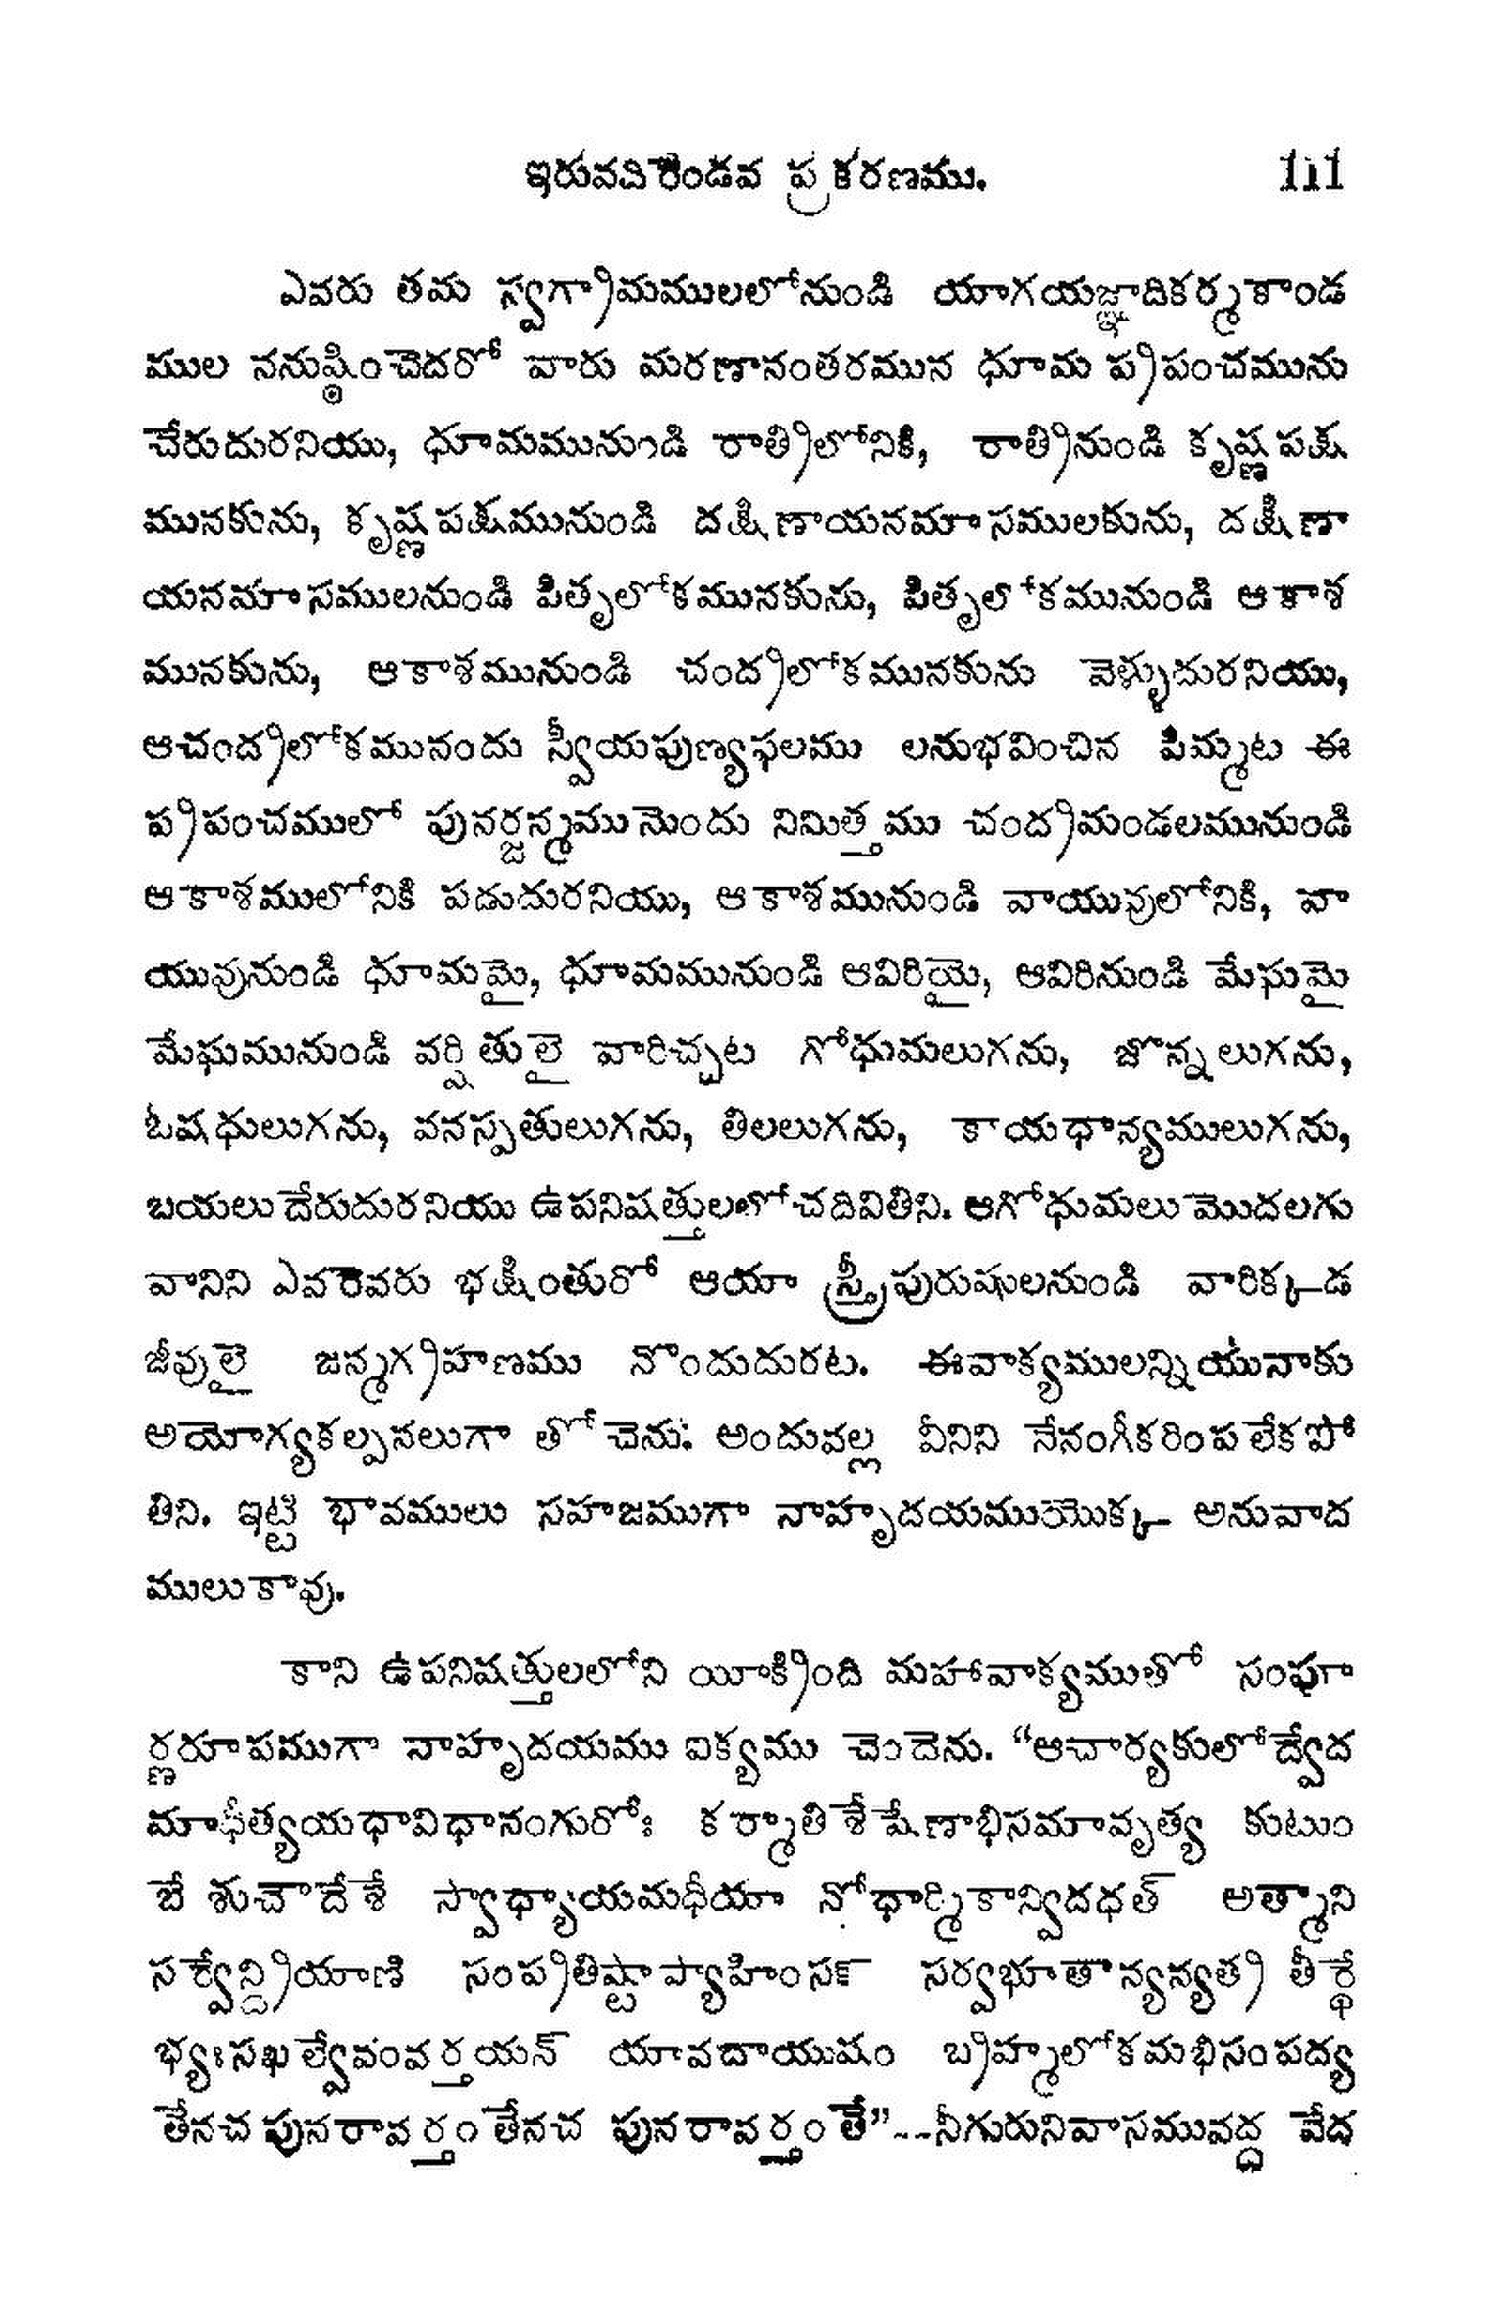ఎవరు తమ స్వగ్రామములలో నుండి యాగయజ్ఞాదికర్మకాండముల 
ననుష్ఠించెదరో వారు మరణానంతరమున ధూమ ప్రపంచమును
చేరుదురనియు, ధూమమునుండి రాతిలోనికి, రాతినుండి 
కృష్ణ పక్షమునకును, కృష్ణ పక్షమునుండి దక్షిణాయనమాసములకును, 
దక్షిణాయననూసములనుండి పితృలోకమునకును, పితృలోకము నుండి 
ఆకాశమునకును, ఆకాశమునుండి చంద్రలోకమునకును వెళ్ళుదురనియు,
ఆచంద్రలోకమునందు స్వీయ పుణ్య ఫలము లనుభవించిన పిమ్మట 
ఈప్రపంచములో పునర్జన్మము మొందు నిమిత్తము చంద్రమండలము నుండి
ఆకాశములోనికి పడుదురనియు, ఆకాశము నుండి వాయువు లోనికి, 
వాయువునుండి ధూమమై, ధూమమునుండి ఆవిరియై, ఆవిరినుండి మేఘమై
మేఘమునుండీ వర్షితులై వారిచ్చట గోధుమలుగను, జొన్నలుగను,
ఓషధులుగను, వనస్పతులుగను, తీలలుగను, కాయధాన్యములుగను,
బయలు దేరుదురనియు ఉపనిషత్తులలో చదివితిని. ఆగోధుమలు మొదలగు
వానిని ఎవరెవరు భక్షింతురో ఆయా స్త్రీపురుషులనుండి వారిక్కడ
జీవులై జన్మగ్రహణము నొందుదురట. ఈవాక్యములన్నియు నాకు
అయోగ్యకల్పనలుగా తోచెను. అందువల్ల వీనిని నేనంగీకరింప లేక 
పోతిని. ఇట్టి భావములు సహజముగా నాహృదయము యొక్క 
అనువాదములు కావు.

కాని ఉపనిషత్తులలోని యీకింది మహావాక్యముతో సంపూర్ణ రూపముగా 
నాహృదయము ఐక్యము చెందెను. “ఆచార్యకులో ద్వేద
నూత్యయధావిధానంగురో ! కర్మాలి శేషేణా భిసమావృత్య 
కుటుంబే శుచౌదేశ స్వాధ్యాయమధీయా నోధార్మికాన్విదధత్ అత్మాని
సర్వేనియాగాణి సంప్రతిష్టా ప్యాహింసన్ సర్వభూతాన్యన్యత తీర్దే
భ్యః సఖ ల్వే వంవర్తయన్ యావదాయుషం బ్రహ్మలోకమభిసం పద్య
తేనచ పునరావర్తతేనచ పున రావర్తంతే”. నీగురునివాసమువద్ద వేద